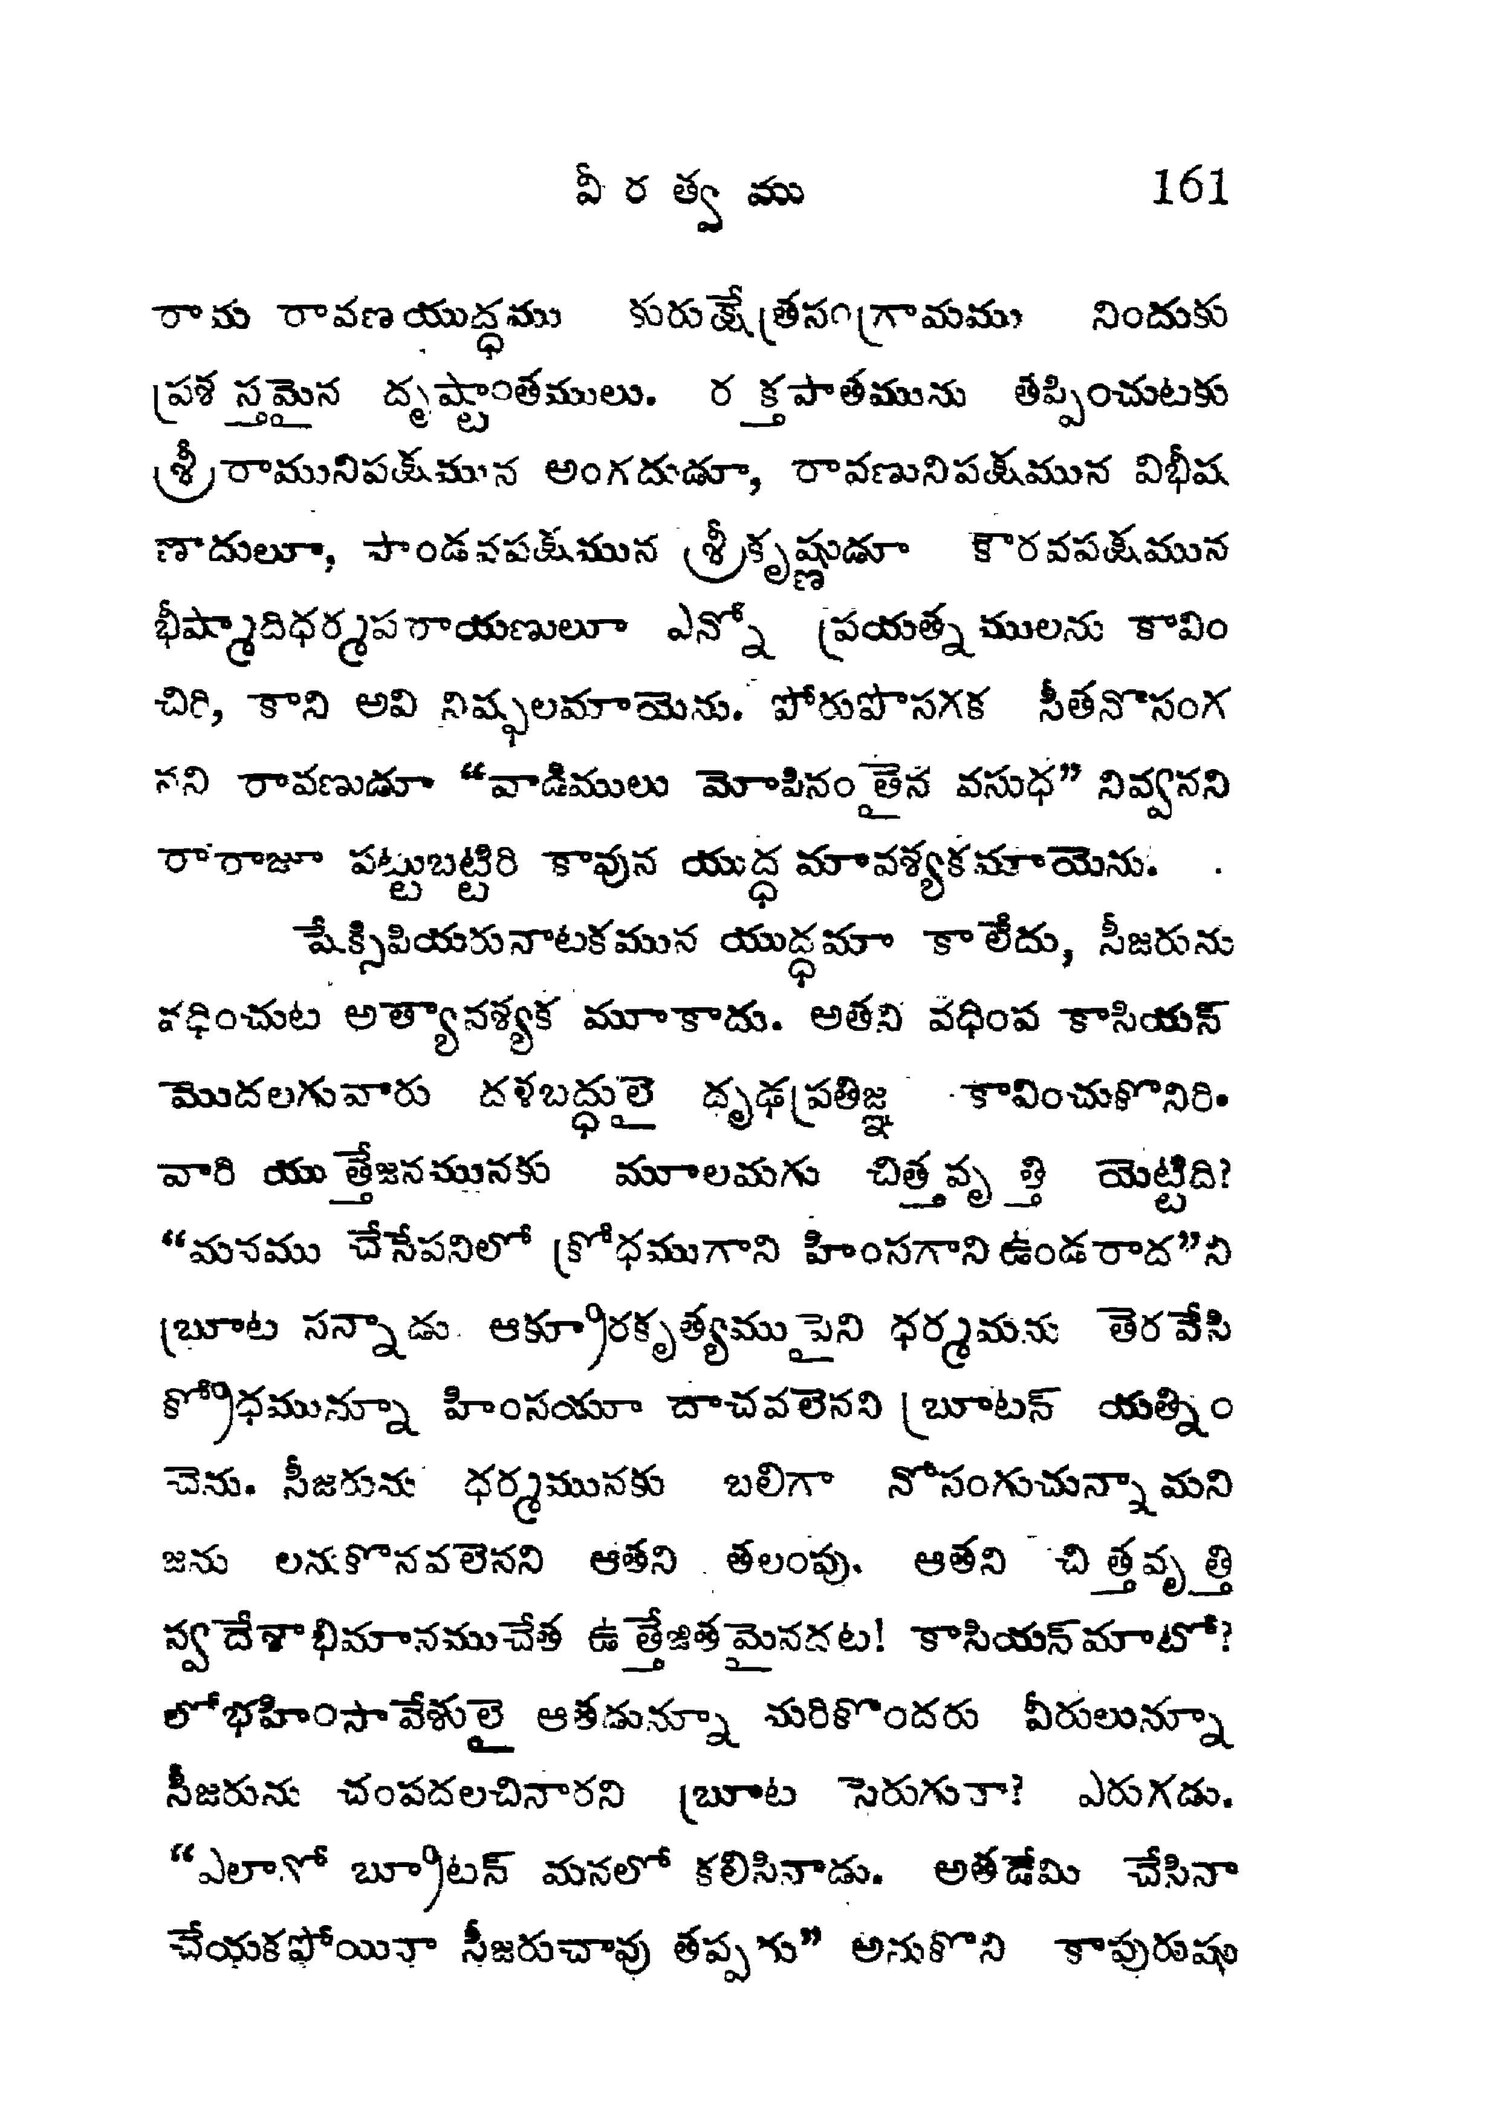రామ రావణయుద్ధము కురుక్షేత్రసంగ్రామము నిందుకు ప్రశస్తమైన దృష్టాంతములు. రక్తపాతమును తప్పించుటకు శ్రీరామునిపక్షమున అంగదుడూ, రావణునిపక్షమున విభీషణాదులూ, పాండవపక్షమున శ్రీకృష్ణుడూ కౌరవపక్షమున భీష్మాదిధర్మపరాయణలూ ఎన్నో ప్రయత్నములను కావించిరి, కాని అవి నిష్ఫలమాయెను. పోరుపొసగక సీతనొసంగనని రావణుడూ "వాడిములు మోపిమనంతైన వసుధ" నివ్వనని రారాజూ పట్టుబట్టిరి కావున యుద్ధ మావశ్యకమాయెను.

షేక్స్‌పియరునాటకమున యుద్ధమా కాలేదు, సీజరును వధించుట అత్యావశ్యక మూకాదు. అతని వధింప కాసియస్ మొదలగువారు దళబద్ధులై దృఢప్రతిజ్ఞ కావించుకొనిరి. వారి యుత్తేజనమునకు మూలమగు చిత్తవృత్తి యెట్టిది? "మనము చేసేపనిలో క్రోధముగాని హింసగాని ఉండరాద"ని బ్రూట సన్నాడు. ఆక్రూరకృత్యముపైని ధర్మమను తెరవేసి క్రోధమున్నూ హింసయూ దాచవలెనని బ్రూటస్ యత్నించెను. సీజరును ధర్మమునకు బలిగా నొసంగుచున్నామని జను లనుకొనవలెనని ఆతని తలంపు. ఆతని చిత్తవృత్తి స్వదేశాభిమానముచేత ఉత్తేజితమైనదట! కాసియస్‌మాటో? లోభహింసావేశులై ఆతడున్నూ మరికొందరు వీరులున్నూ సీజరును చంపదలచినారని బ్రూట సెరుగునా? ఎరుగడు. "ఎలాగో బ్రూటన్ మనలో కలిసినాడు. అతడేమి చేసినా చేయకపోయినా సీజరుచావు తప్పదు" అనుకొని కాపురుషు